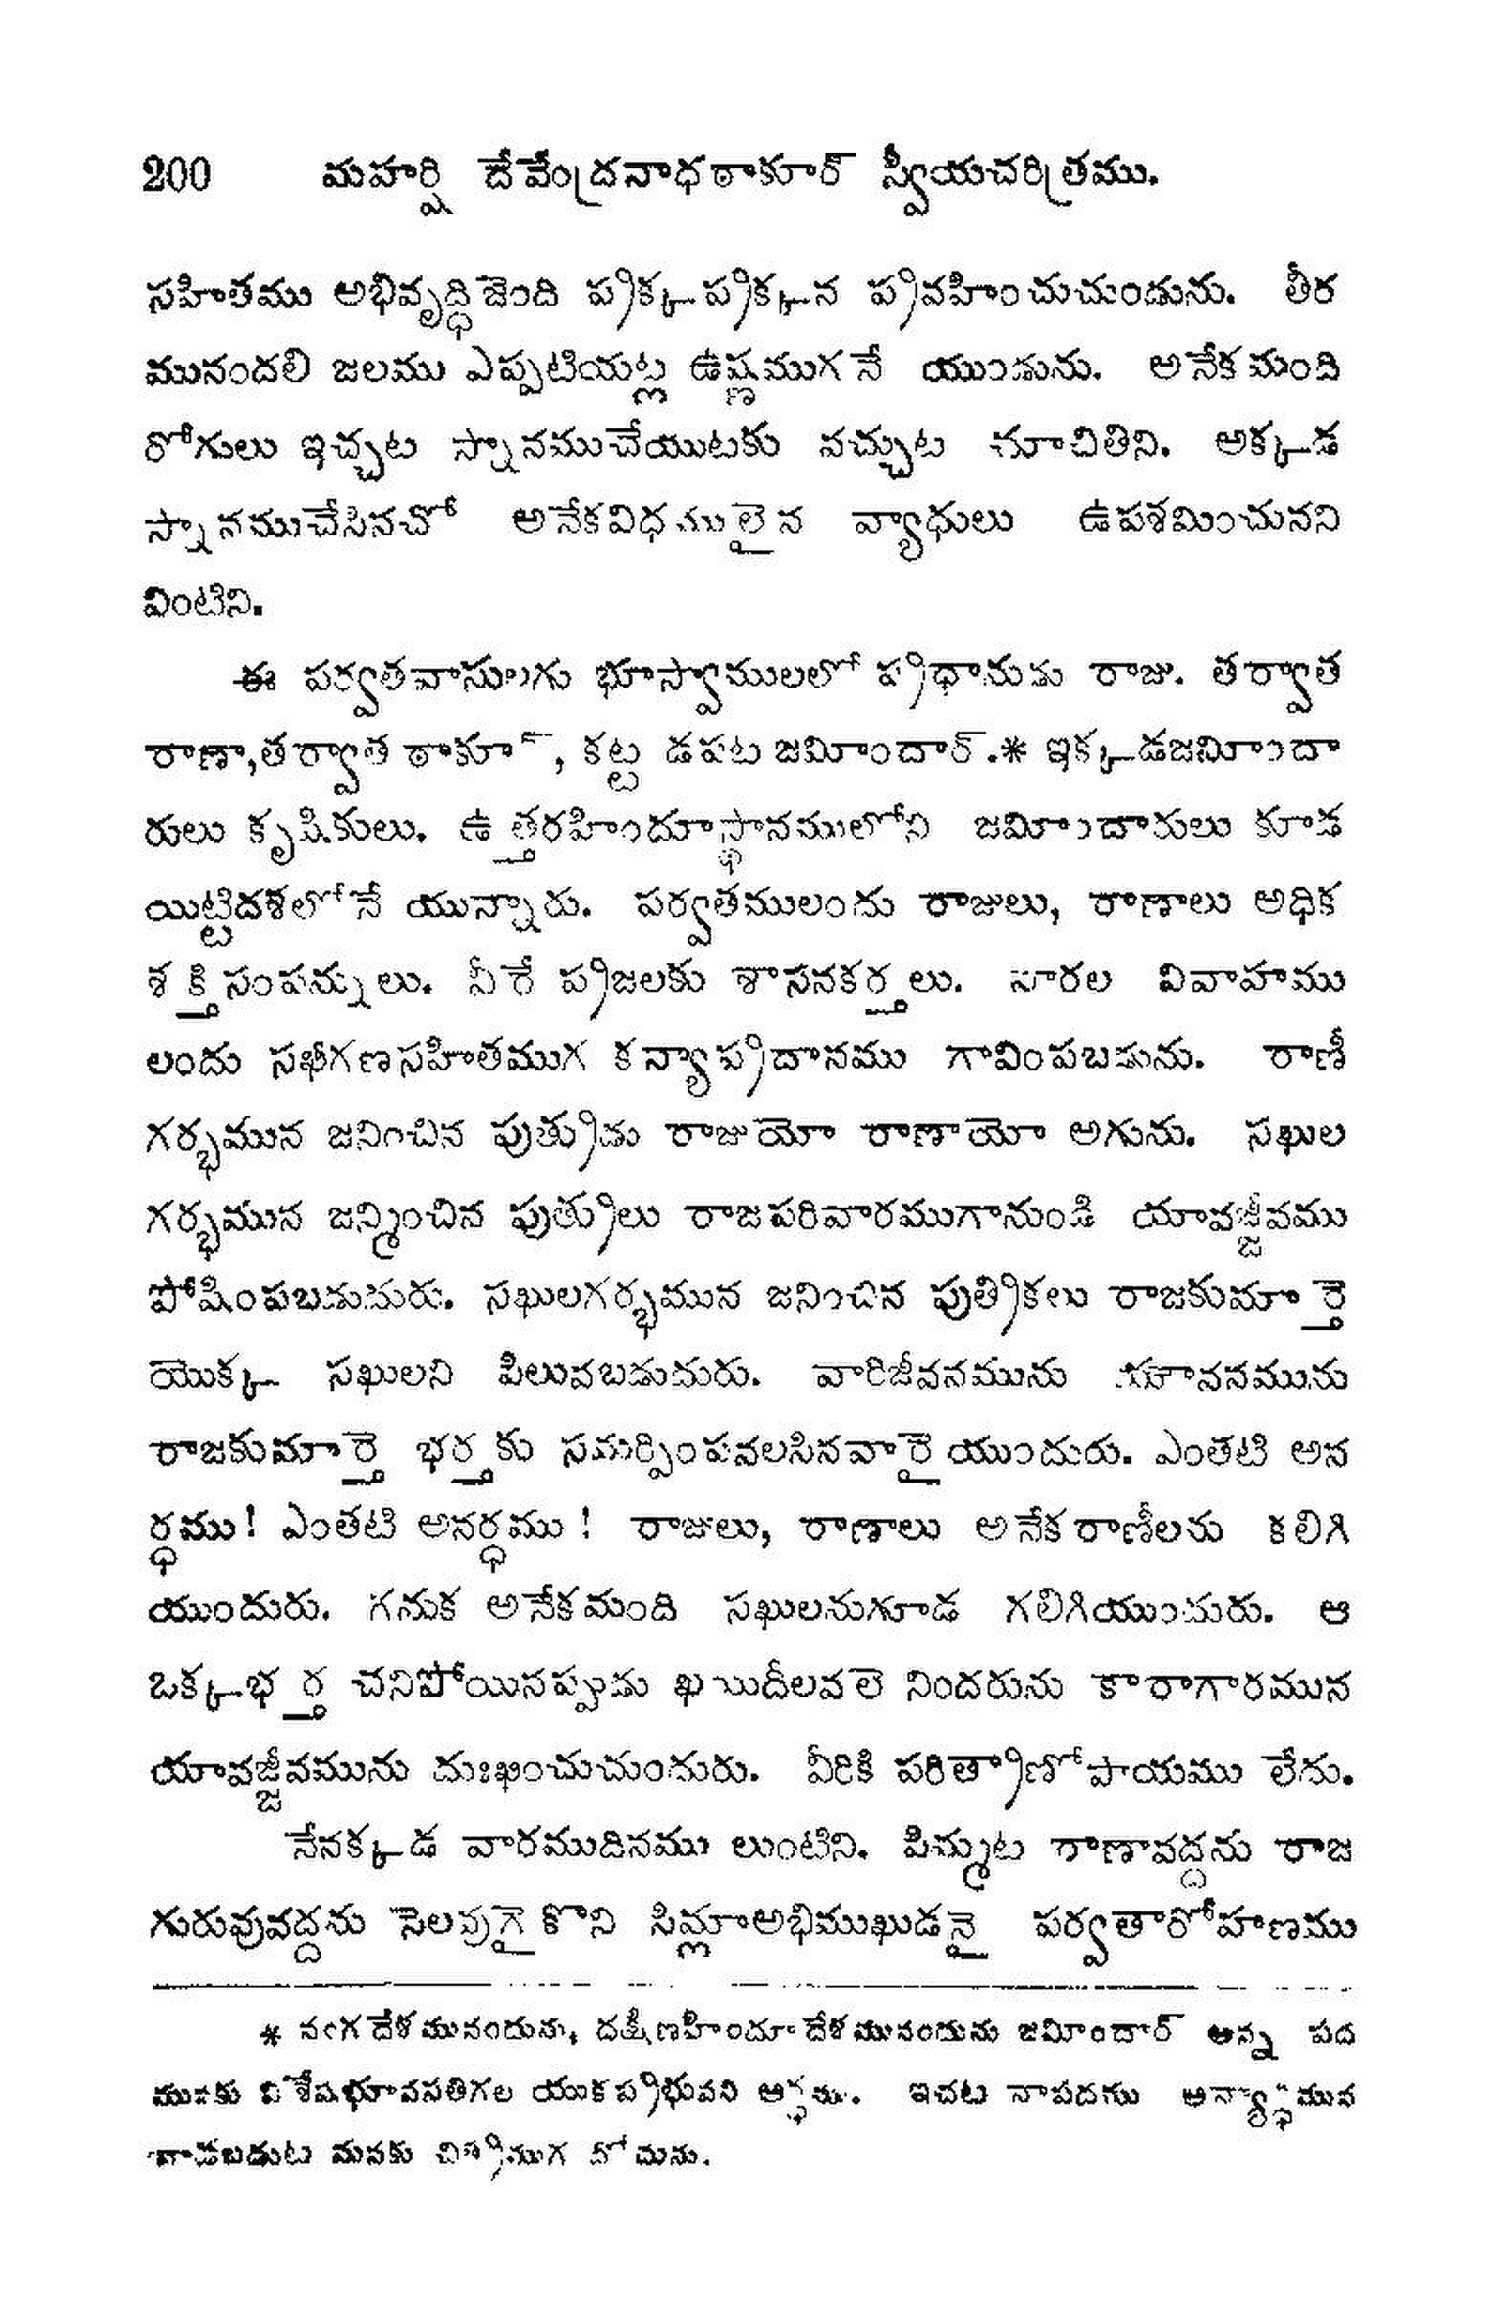సహితము అభివృద్ధి జెంది పక్క ప్రక్కన ప్రవహించుచుండును. తీర
మునందలి జలము ఎప్పటియట్ల ఉష్ణముగనే యుడును. అనేక మంది
రోగులు ఇచ్చట స్నానము చేయుటకు వచ్చుట చూచితిని. అక్కడ
స్నానము చేసినచో అనేక విధములైన వ్యాధులు ఉపశమించునని
వింటిని.

ఈ పర్వత వాసులగు భూస్వాములలో ప్రధానుడు రాజు. తర్వాత
రాణా,తర్వాత ఠాకూర్" , కట్ట కడపట జమీందార్ .* ఇక్కడ జమీందారులు
కృషికులు, ఉత్తర హిందూస్థానము లోని జమీందారులు కూడ
యిట్టిదశలోనే యున్నారు. పర్వతములందు రాజులు, రాణాలు అధిక
శక్తి సంపన్నులు. వీరే ప్రజలకు శాసనకర్తలు. వారల వివాహములందు 
సఖీగణ సహితముగ కన్యా ప్రదానము గావింపబడును. రాణీ
గర్భమున జనించిన పుత్రుడు రాజు యో రాణాయో అగును. సఖుల
గర్భమున జన్మించిన పుత్రులు రాజ పరివారముగా నుండి యావజ్జీవము
పోషింప బడుదురు. సఖుల గర్భమున జనించిన పుత్రికలు రాజకుమార్తె
యొక్క సఖులని పిలువ బడుదురు. వారిజీవనమును యౌవనమును
రాజకుమార్తె భర్తకు సమర్పింప వలసిన వారై యుందురు. ఎంతటి 
అనర్ధము ! ఎంతటి అనర్ధము ! రాజులు, రాణాలు అనేక రాణీలను 
కలిగి యుందురు. గనుక అనేకమంది సఖులనుగూడ గలిగియుచురు.
ఒక్క భర్తర్త చనిపోయినప్పుడు ఖదీలవలె నిందరును కారాగారమున
యావజ్జీవమును దుఃఖించుచుందురు. వీరికి పరితాలోపాయము లేదు.

నేనక్కడ వారముదినము లుంటిని. పిమ్మట రాణావద్దను రాజ
గురువువడ్డను సెలవు కొని సిమ్లా అభిముఖుడనై పర్వతారోహణము